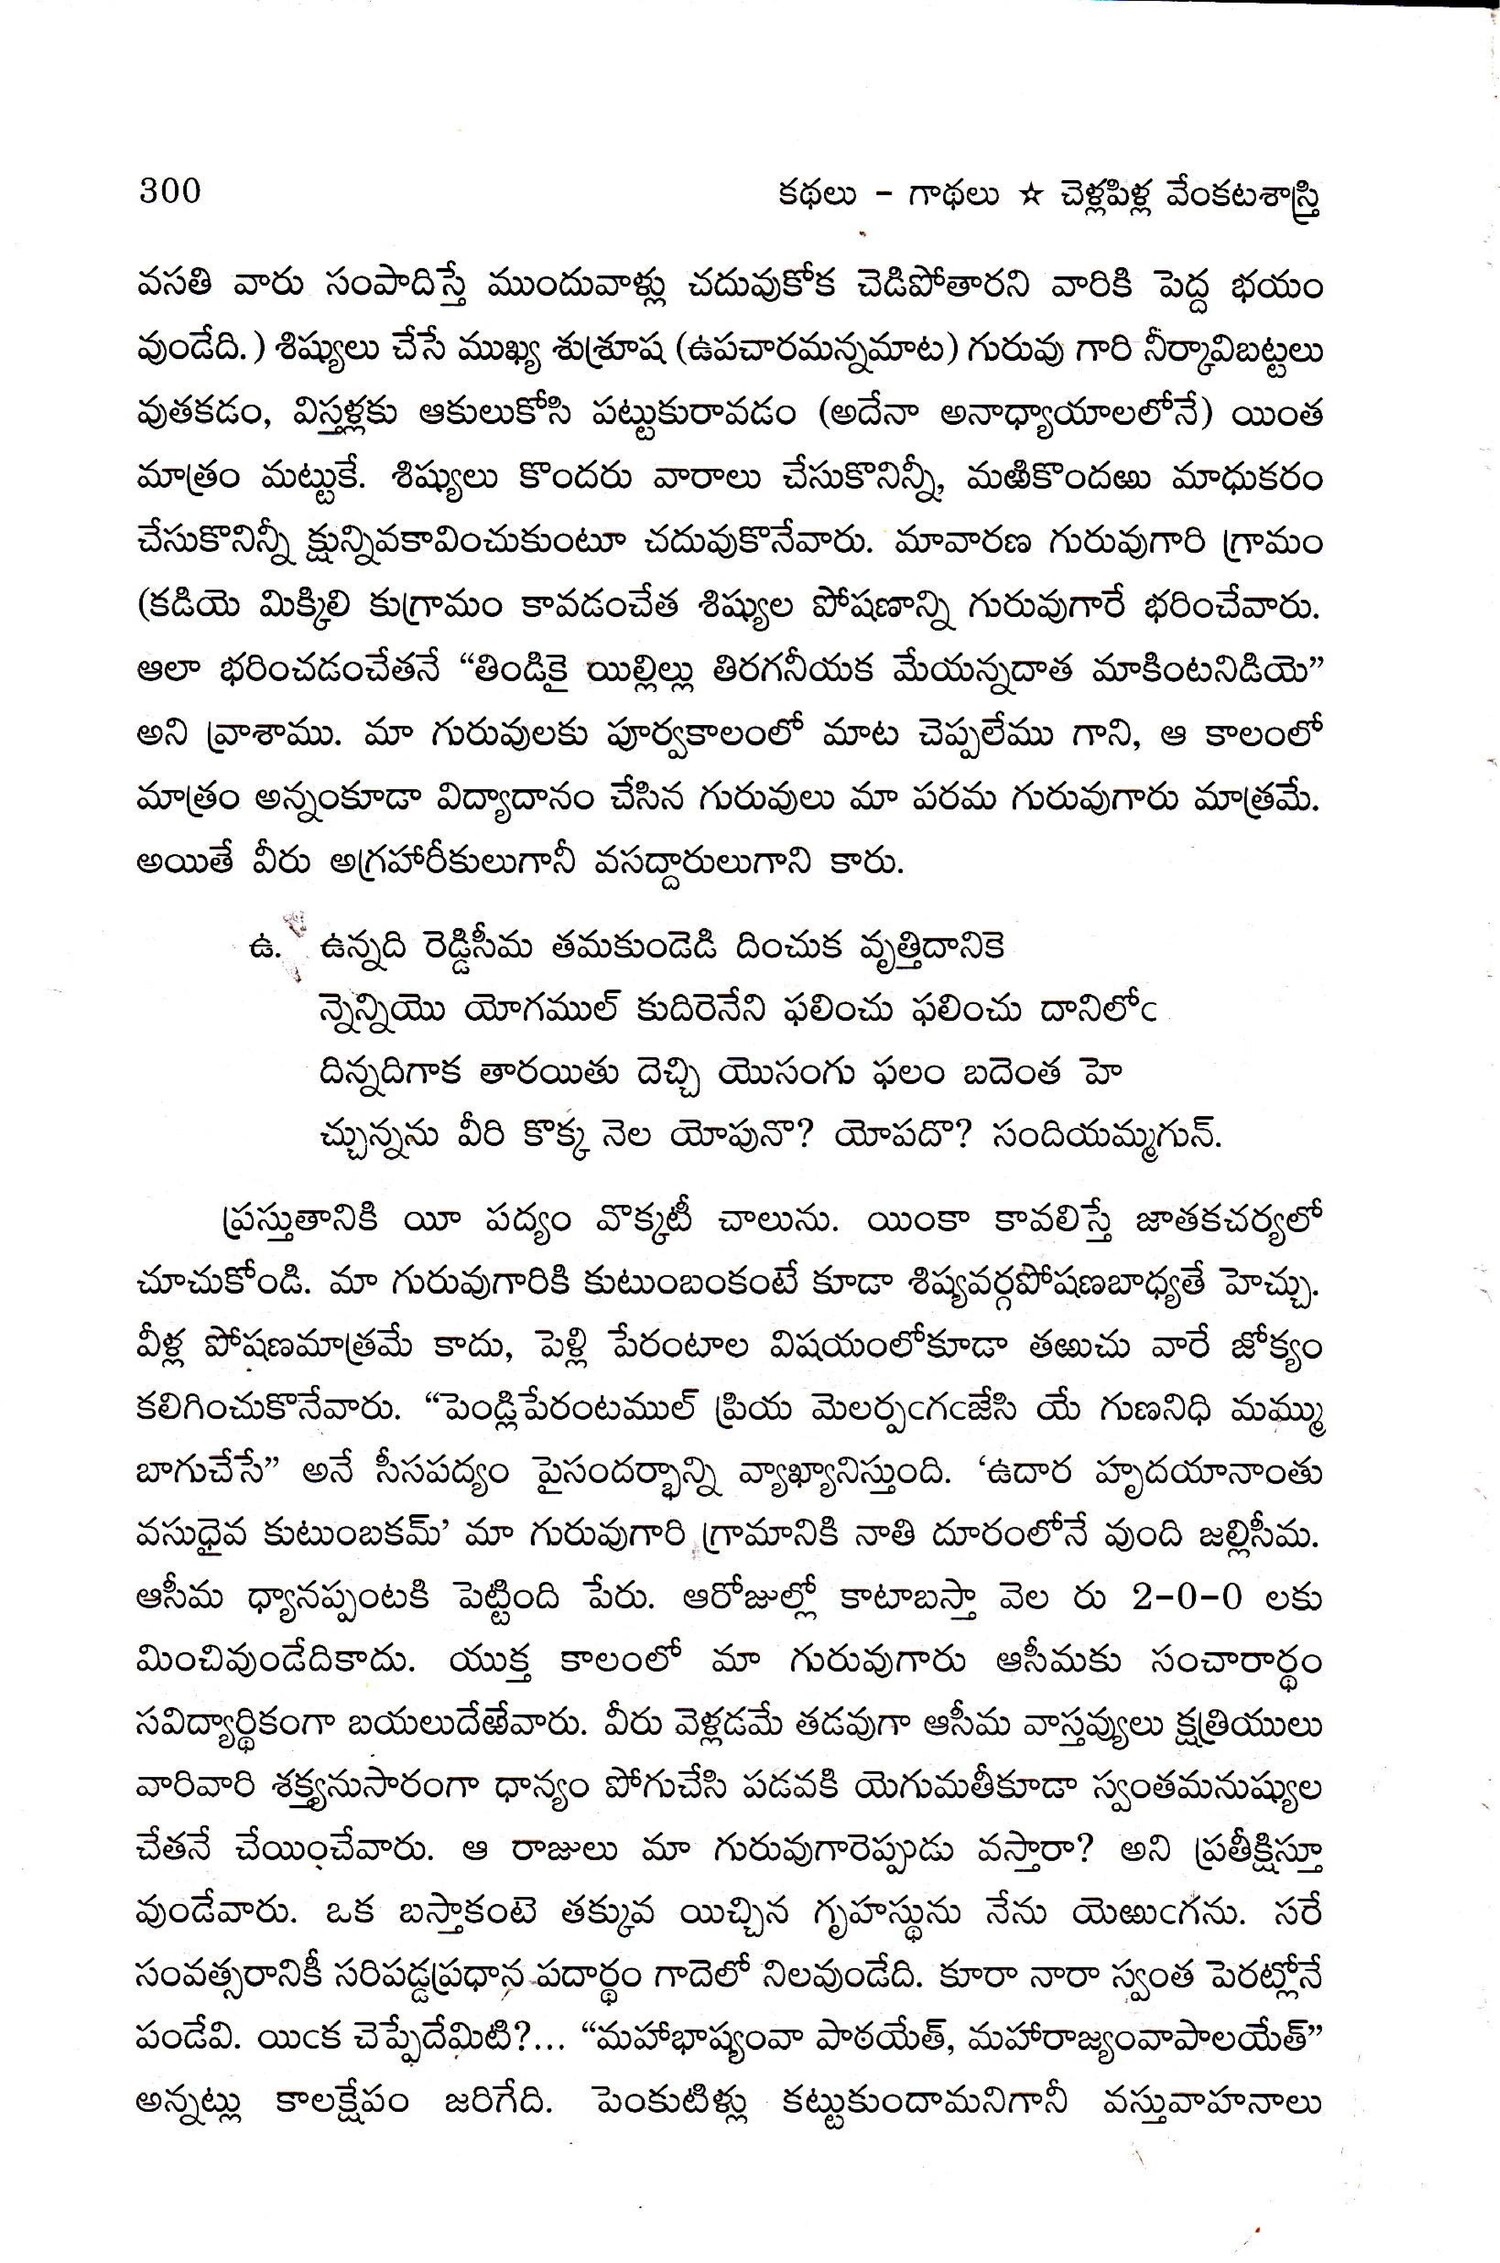వసతి వారు సంపాదిస్తే ముందువాళ్లు చదువుకోక చెడిపోతారని వారికి పెద్ద భయం వుండేది.) శిష్యులు చేసే ముఖ్య శుశ్రూష (ఉపచారమన్నమాట) గురువు గారి నీర్కావిబట్టలు వుతకడం, విస్తళ్లకు ఆకులుకోసి పట్టుకురావడం (అదేనా అనాధ్యాయాలలోనే) యింత మాత్రం మట్టుకే. శిష్యులు కొందరు వారాలు చేసుకొనిన్నీ మఱికొందఱు మాధుకరం చేసుకొనిన్నీ క్షున్నివకావించుకుంటూ చదువుకొనేవారు. మావారణ గురువుగారి గ్రామం (కడియె మిక్కిలి కుగ్రామం కావడంచేత శిష్యుల పోషణాన్ని గురువుగారే భరించేవారు. ఆలా భరించడంచేతనే “తిండికై యిల్లిల్లు తిరగనీయక మేయన్నదాత మాకింటనిడియె" అని వ్రాశాము. మా గురువులకు పూర్వకాలంలో మాట చెప్పలేము గాని, ఆ కాలంలో మాత్రం అన్నంకూడా విద్యాదానం చేసిన గురువులు మా పరమ గురువుగారు మాత్రమే. అయితే వీరు అగ్రహారీకులుగానీ వసద్దారులుగాని కారు. -

ఉ. ఉన్నది రెడ్డిసీమ తమకుండెడి దించుక వృత్తిదానికె
 న్నెన్నియొ యోగముల్ కుదిరెనేని ఫలించు ఫలించు దానిలోఁ 
 దిన్నదిగాక తారయితు దెచ్చి యొసంగు ఫలం బదెంత హె 
 చ్చున్నను వీరి కొక్క నెల యోపునొ? యోపదో? సందియమ్మగున్.
ప్రస్తుతానికి యీ పద్యం వొక్కటీ చాలును. యింకా కావలిస్తే జాతకచర్యలో చూచుకోండి. మా గురువుగారికి కుటుంబంకంటే కూడా శిష్యవర్గపోషణబాధ్యతే హెచ్చు. వీళ్ల పోషణమాత్రమే కాదు, పెళ్లి పేరంటాల విషయంలోకూడా తఱుచు వారే జోక్యం కలిగించుకొనేవారు. “పెండ్లి పేరంటముల్ ప్రియ మెలర్పఁగఁజేసి యే గుణనిధి మమ్ము బాగుచేసే” అనే సీసపద్యం పైసందర్భాన్ని వ్యాఖ్యానిస్తుంది. 'ఉదార హృదయానాంతు వసుధైవ కుటుంబకమ్" మా గురువుగారి గ్రామానికి నాతి దూరంలోనే వుంది జల్లిసీమ. ఆసీమ ధ్యానప్పంటకి పెట్టింది పేరు. ఆరోజుల్లో కాటాబస్తా వెల రు 2–0–0 లకు మించివుండేదికాదు. యుక్త కాలంలో మా గురువుగారు ఆసీమకు సంచారార్థం సవిద్యార్థికంగా బయలుదేఱేవారు. వీరు వెళ్లడమే తడవుగా ఆసీమ వాస్తవ్యులు క్షత్రియులు వారివారి శక్త్యనుసారంగా ధాన్యం పోగుచేసి పడవకి యెగుమతీకూడా స్వంతమనుష్యుల చేతనే చేయించేవారు. ఆ రాజులు మా గురువుగారెప్పుడు వస్తారా? అని ప్రతీక్షిస్తూ వుండేవారు. ఒక బస్తాకంటె తక్కువ యిచ్చిన గృహస్థును నేను యెఱుఁగను. సరే సంవత్సరానికీ సరిపడ్డప్రధాన పదార్థం గాదెలో నిలవుండేది. కూరా నారా స్వంత పెరట్లోనే పండేవి. యిఁక చెప్పేదేమిటి?... “మహాభాష్యంవా పాఠయేత్, మహారాజ్యంవాపాలయేత్" అన్నట్లు కాలక్షేపం జరిగేది. పెంకుటిళ్లు కట్టుకుందామనిగానీ వస్తువాహనాలు